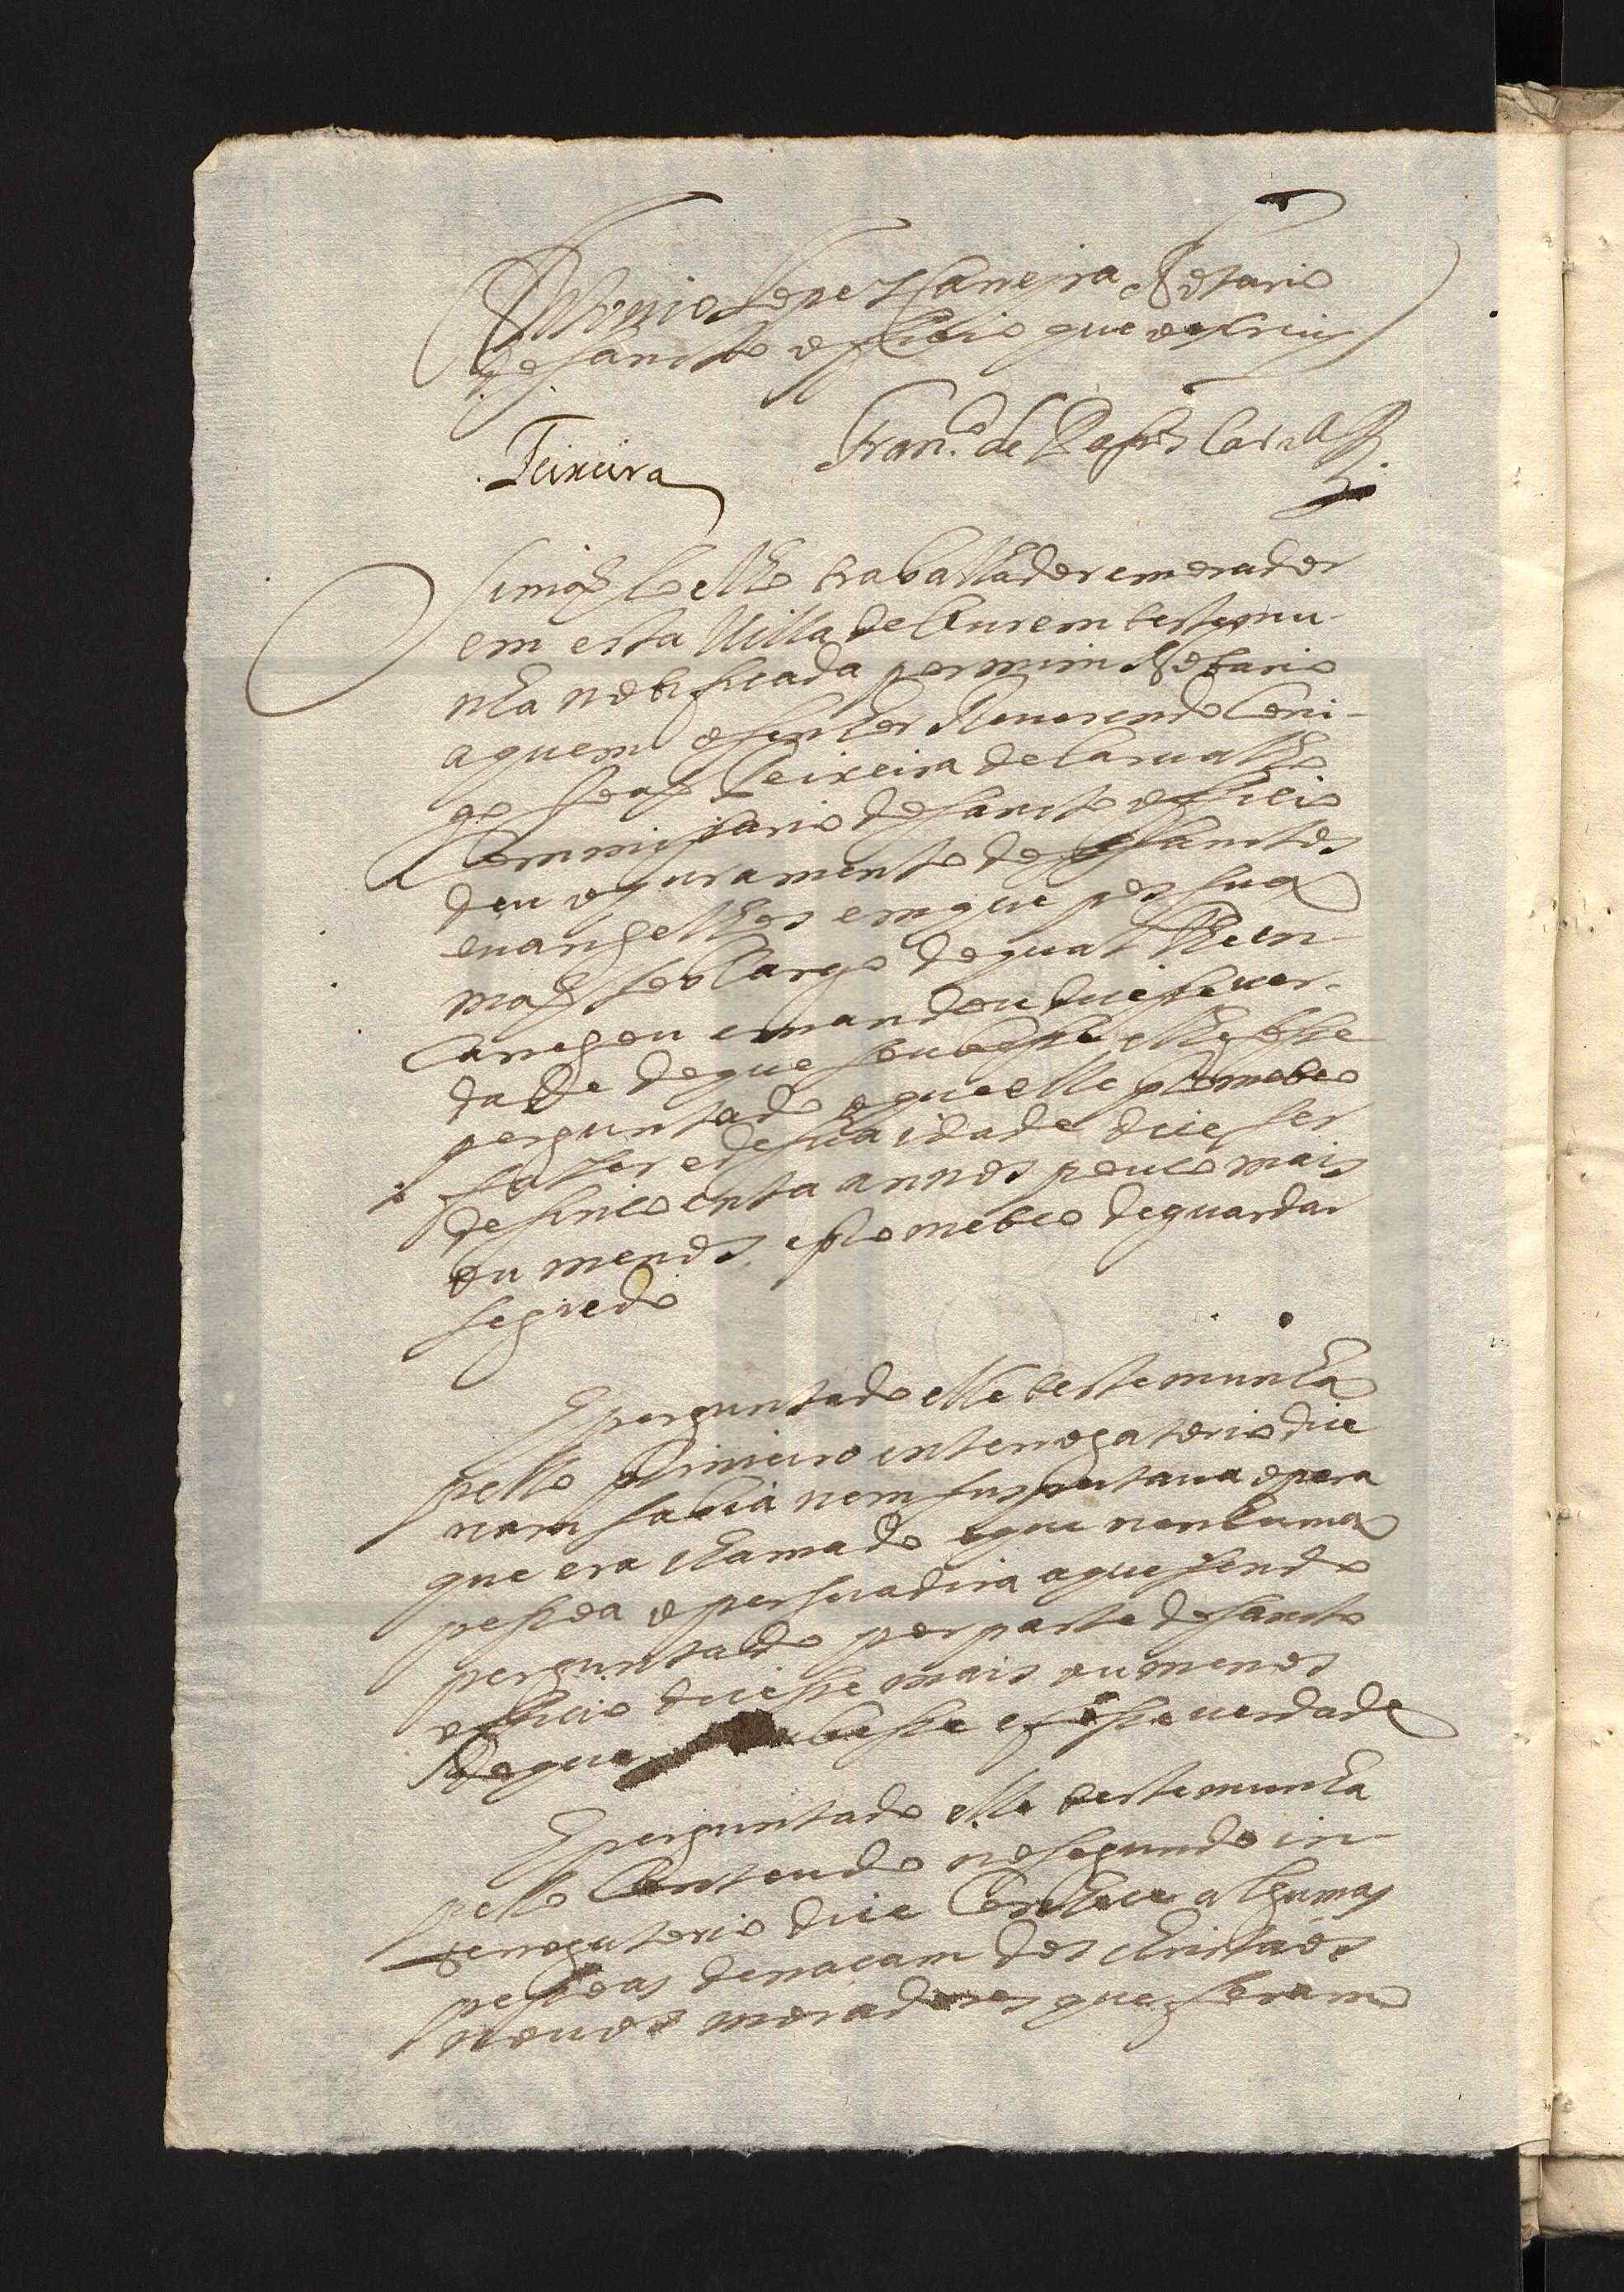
Antonio Lopez Carrejra Notario
do sancto officio que o escreuj
Teixeira Fran.co de Passos Carv.a
Simaõ Coelho trabalhador, e morador
em esta Villa de Ourem testemu
nha notificada por mim Notario
a quem o Senhor Reuerendo Coni
go Joaõ Teixeira de Carualho
Commissario do sancto officio
deu o juramento dos santos
euangelhos em que pos sua
maõ sob cargo do qual lhe en
Carregou e mandou que dicesse ver
dade de que soubesse e lhe fosse
perguntado o que elle prometeo
fazer e de sua idade dice ser
de sincoenta annos pouco mais
ou menos, e prometeo de guardar
segredo
E perguntado elle testemunha
pello primeiro interrogatorio dice
nam sabia nem suspeitaua o para
que era chamado e que nenhuma
pessoa o persuadira a que sendo
perguntado por parte do Sancto
officio dicesse mais ou menos
de que _ubesse e fosse uerdade
E perguntado elle testemunha
pello conteudo no segundo in
terrogatorio dice Conhece algumas
pessoas de naçam dos christaõs
nouos moradores que foram
